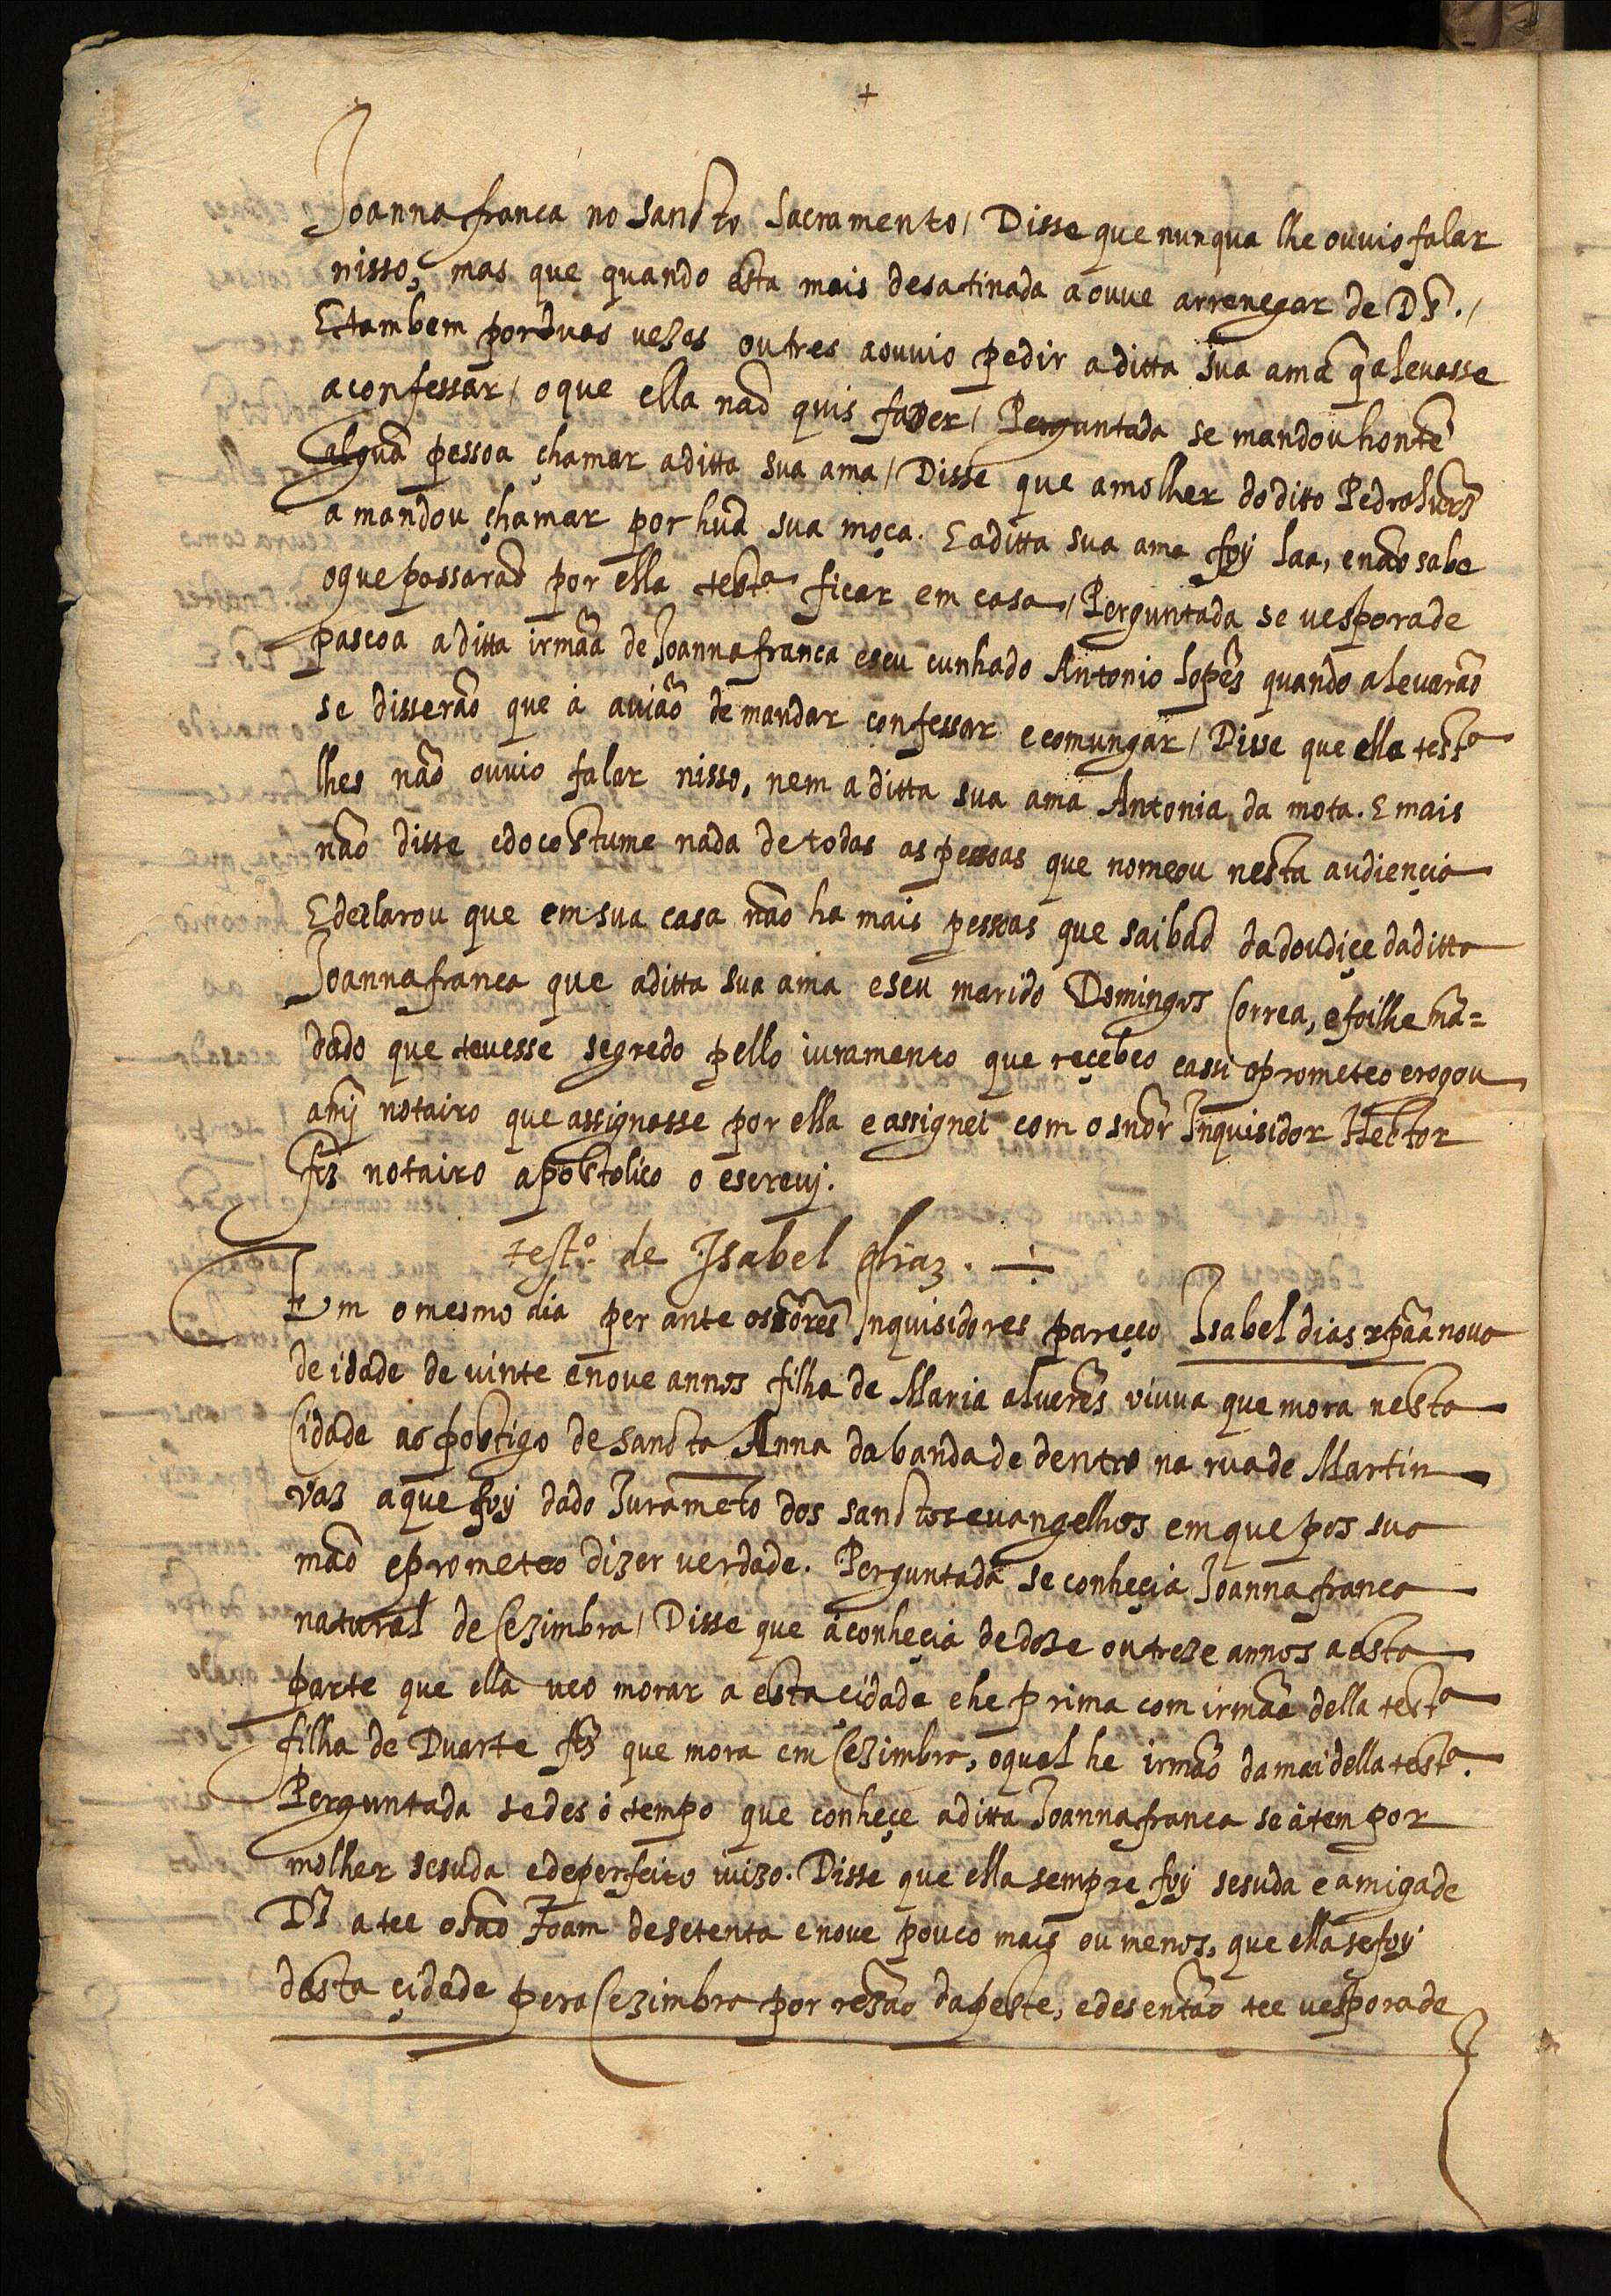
Joanna franca no sancto Sacramento / Disse que nunqua lhe ouuio falar
nisso, mas que quando esta mais desatinada a ouue arrenegar de Ds̄. /
E tambem por duas uezes ou tres a ouuio pedir a ditta sua ama q̄ a leuasse
a confessar / o que ella naõ quis fazer / Perguntada se mandou hontē
alguā pessoa çhamar a ditta sua ama / Disse que a molher do ditto Pedralur̄z
a mandou çhamar por huā sua moça. E a ditta sua ama foy laa, e não sabe
o que passaraõ por ella testa ficar em casa / Perguntada se uespora de
pascoa a ditta irmāa de Joanna franca e seu cunhado Antonio Lopēz quando a leuarão
se disserão que a auião de mandar confessar e comungar / Disse que ella testa
lhes não ouuio falar nisso, nem a ditta sua ama Antonia da mota. E mais
não disse e do costume nada de todas as pessoas que nomeou nesta audiençia
E declarou que em sua casa não ha mais pessoas que saibão da doudiçe da ditta
Joanna franca que a ditta sua ama e seu marido Domingos Correa, e foilhe mā
dado que teuesse segredo pello iuramento que reçebeo e assi o prometeo e rogou
a mj̄ notairo que assignasse por ella e assignei com o snōr Inquisidor Hector
fr̄z notairo apostolico o escreuj.
test.o de Jsabel diaz.
Em o mesmo dia perante os s̄ores Inquisidores pareçeo Isabel dias xpāa noua
de idade de uinte e noue annos filha de Maria aluerēs viuua que mora nesta
Cidade ao postigo de sancta Anna da banda de dentro na rua de Martin
vaz a que foy dado Iuramēto dos sanctos euangelhos em que pos sua
mão e prometeo dizer uerdade. Perguntada se conheçia Ioanna franca
natural de Cezimbra / Disse que a conheçia de doze ou treze annos a esta
parte que ella ueo morar a esta çidade e he prima com irmāa della testa
filha de Duarte fr̄z que mora em Cezimbra, o qual he irmão da mai della testa.
Perguntada se des o tempo que conheçe a ditta Ioanna franca se a tem por
molher sesuda e de perfeito iuizo. Disse que ella sempre foy sesuda e amiga de
Ds̄ atee o são Ioam de setenta e noue pouco mais ou menos, que ella se foy
desta çidade pera Cezimbra por rezão da peste, e des então tee uespora de
